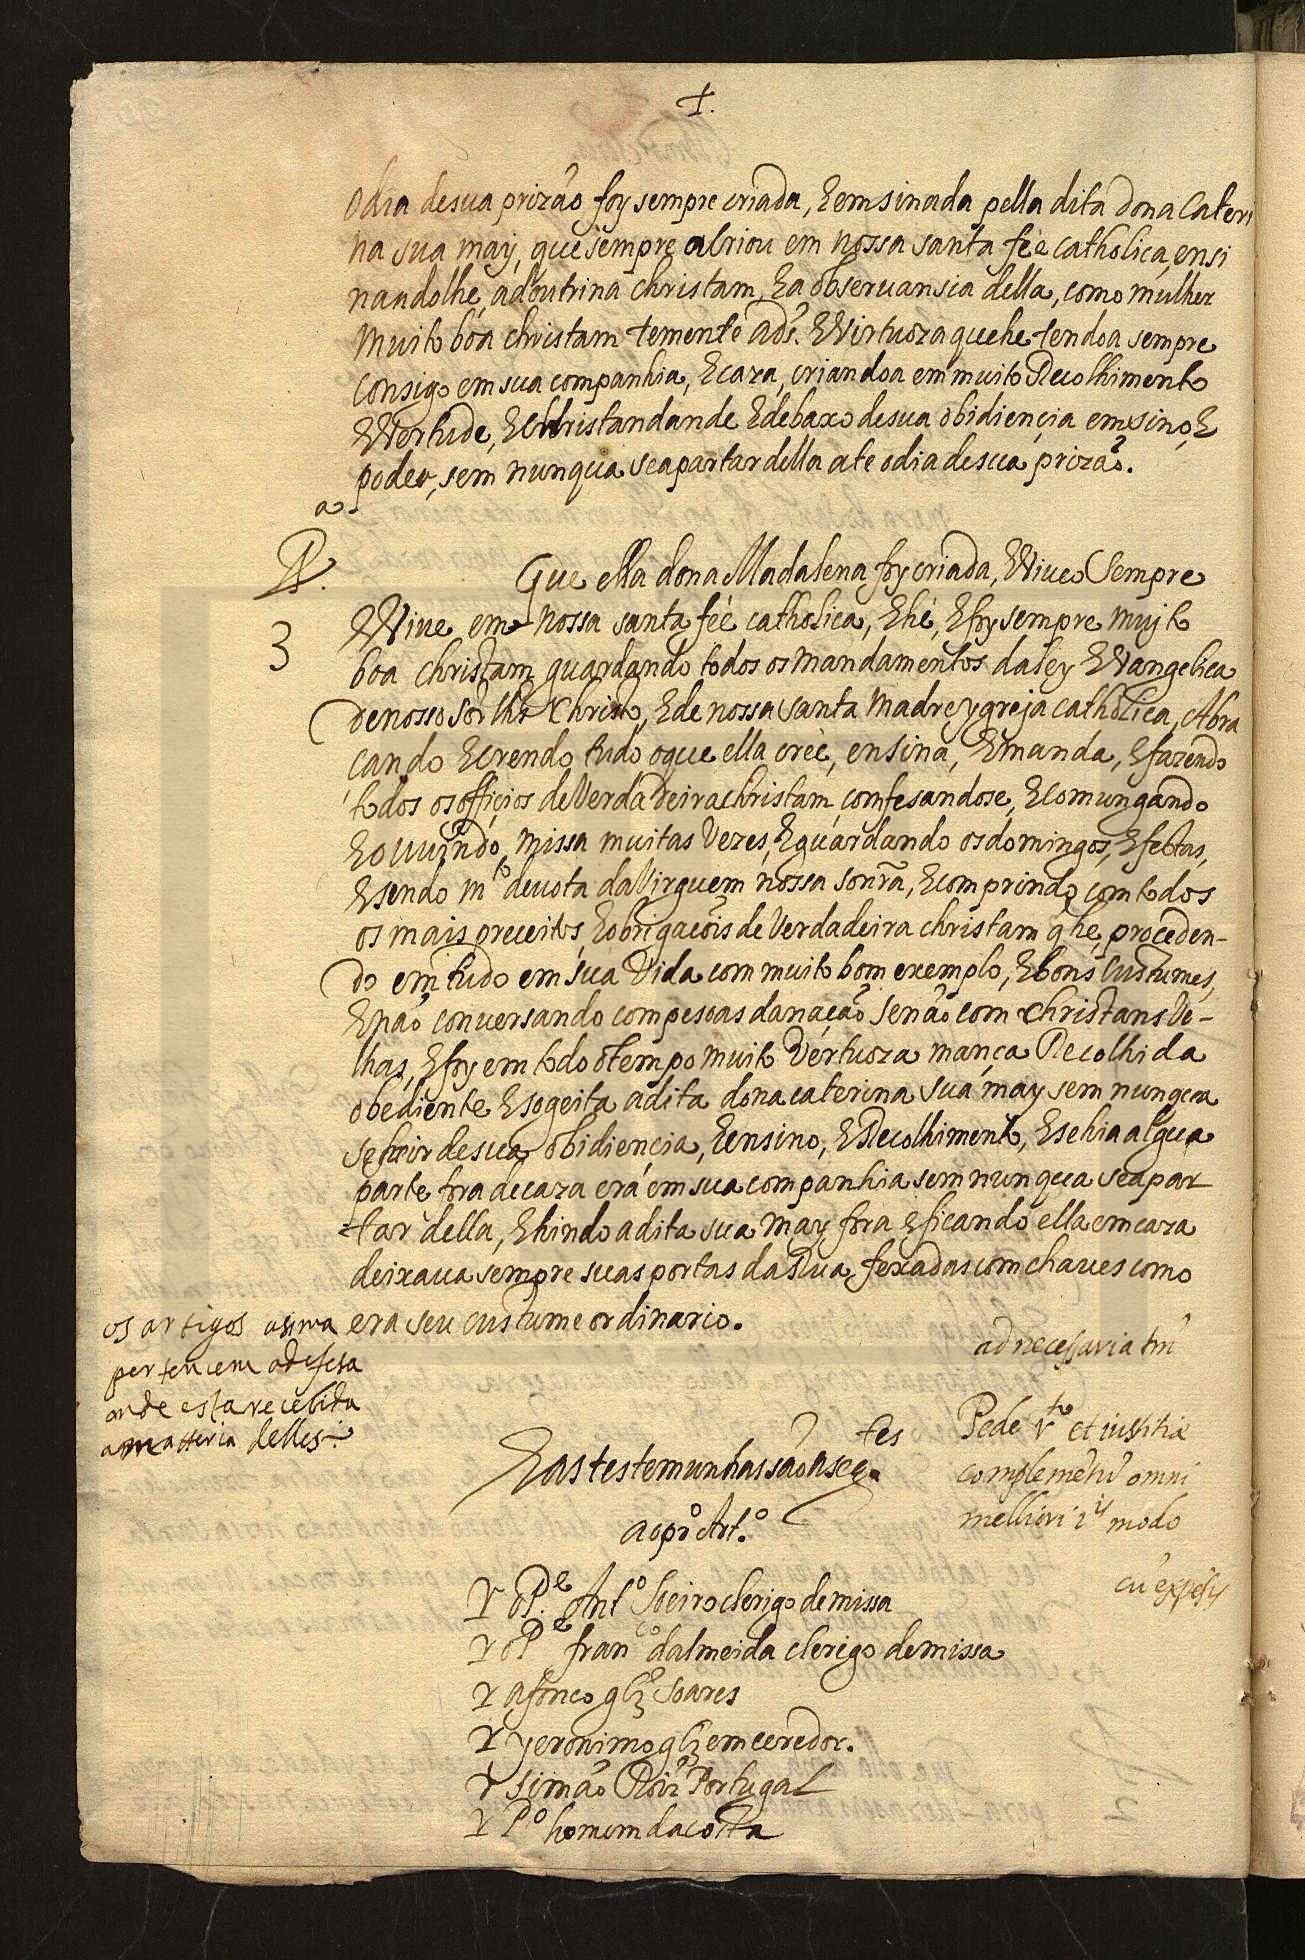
os artigos asima
pertencem a defesa
onde esta recebida
a matteria delles
o dia de sua prizão foy sempre criada, E emsinada pella dita dona Cateri
na sua may, que sempre a Criou em nossa santa feè catholica, ensi
nandolhe a doutrina christam, E a obseruansia della, como mulher
muito boa christam temente a ds̄ E Virtuoza que he tendoa sempre
consigo em sua companhia, E caza, criandoa em muito Recolhimento
E Vertude, E Christandande E debaxo de sua obidiencia emsino, E
poder, sem nunqua se apartar della ate o dia de sua prizaõ.
Pa
Que ella dona Madalena foy criada, E Viueo Sempre
3 E Viue em nossa santa feé catholica, E hé, E foy sempre mujto
boa christam guardando todos os mandamentos da ley EVangelica
de nosso sor̄ Ihu Christo, E de nossa santa madre ygreja catholica, Abra
çando E crendo tudo o que ella cree, ensina, E manda, E fazendo
todos os officios de verdadeira christam, confesandose, E comungando
E ouuindo missa muitas vezes, E guardando os domingos, E festas
E sendo mto deuota da Virguem nossa sonr̄a, E comprindo com todos
os mais preceitos, E obrigaçõis de verdadeira christam q̄ he, proceden
do em tudo em sua Vida com muito bom exemplo, E bons custumes,
E não conuersando com pesoas da naçaõ senão com christans Ve
lhas, E foy em todo o tempo muito Vertuoza mança Recolhida
obediente E sogeita a dita dona caterina sua may sem nunqua
se sair de sua obidiencia, E ensino, E Recolhimento, E se hia algua
parte fora de caza era em sua companhia sem nunqua se apar
tar della, E hindo a dita sua may fora E ficando ella em caza
deixaua sempre suas portas da Rua fexadas com chaues como
era seu custume ordinario.
E as testemunhas são as seg.tes
ao pro Art.o
item o P.e Anto Soeiro clerigo de missa
item o Pe franco dalmeida clerigo de missa
item afonco glz̄ Soares
item yeronimo glz̄ emceredor
item Simão Roiz̄ PortugaL
item Po homem da costa
